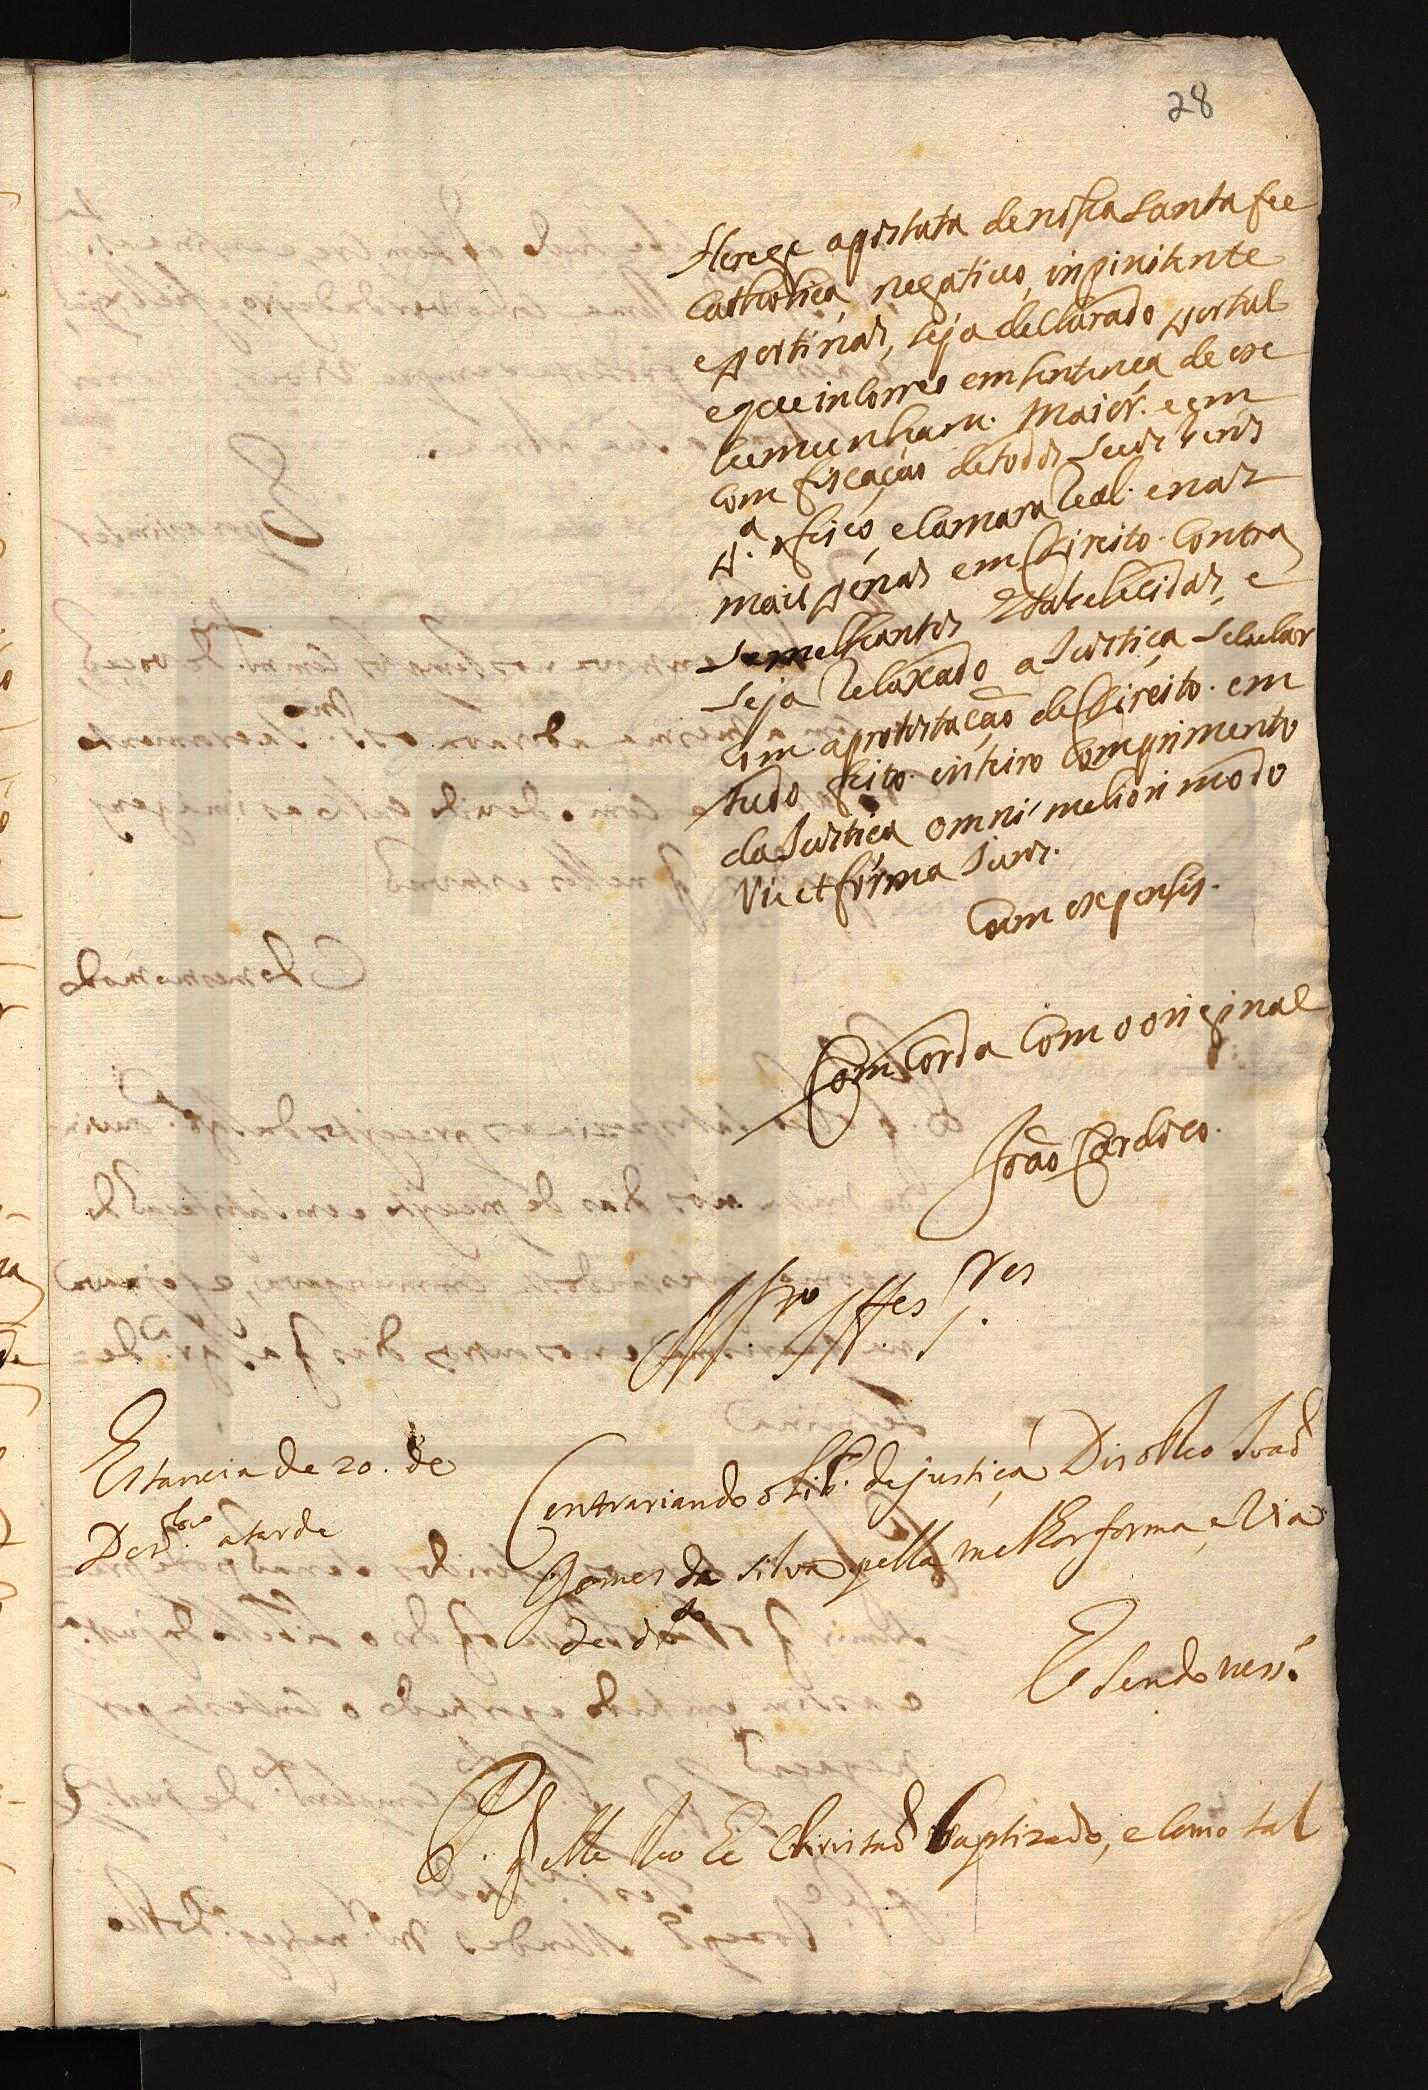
Estancia de 20. de
Dez.bro a tarde
Herege apostata de nossa santa fee
Catholica, negatiuo, inpinitente
e pertinas, seja declarado por tal
e que incorreo em sentença de ex
cumunham. maior. e em
comfiscação de todos seus bens
p.a o fisco, e Camara Real. e nas
mais penas em Direito. contra
semelhantes Estabelecidas, e
seja Relaxado a Iustiça secular
com a protestação de Direito. em
tudo feito inteiro comprimento
da Iustiça omni meliori modo
via et forma Iuris.
Cum expensis.
Comcorda com o original
João Cardozo.
M.to Ill.es s.res
Contrariando o Lib.o de justiça Dis o Reo Ioaõ
Gomes da silva pella melhor forma, e via
de dr.to
E sendo ness.o
P. q̄ elle Reo he christaõ baptizado, e como tal
